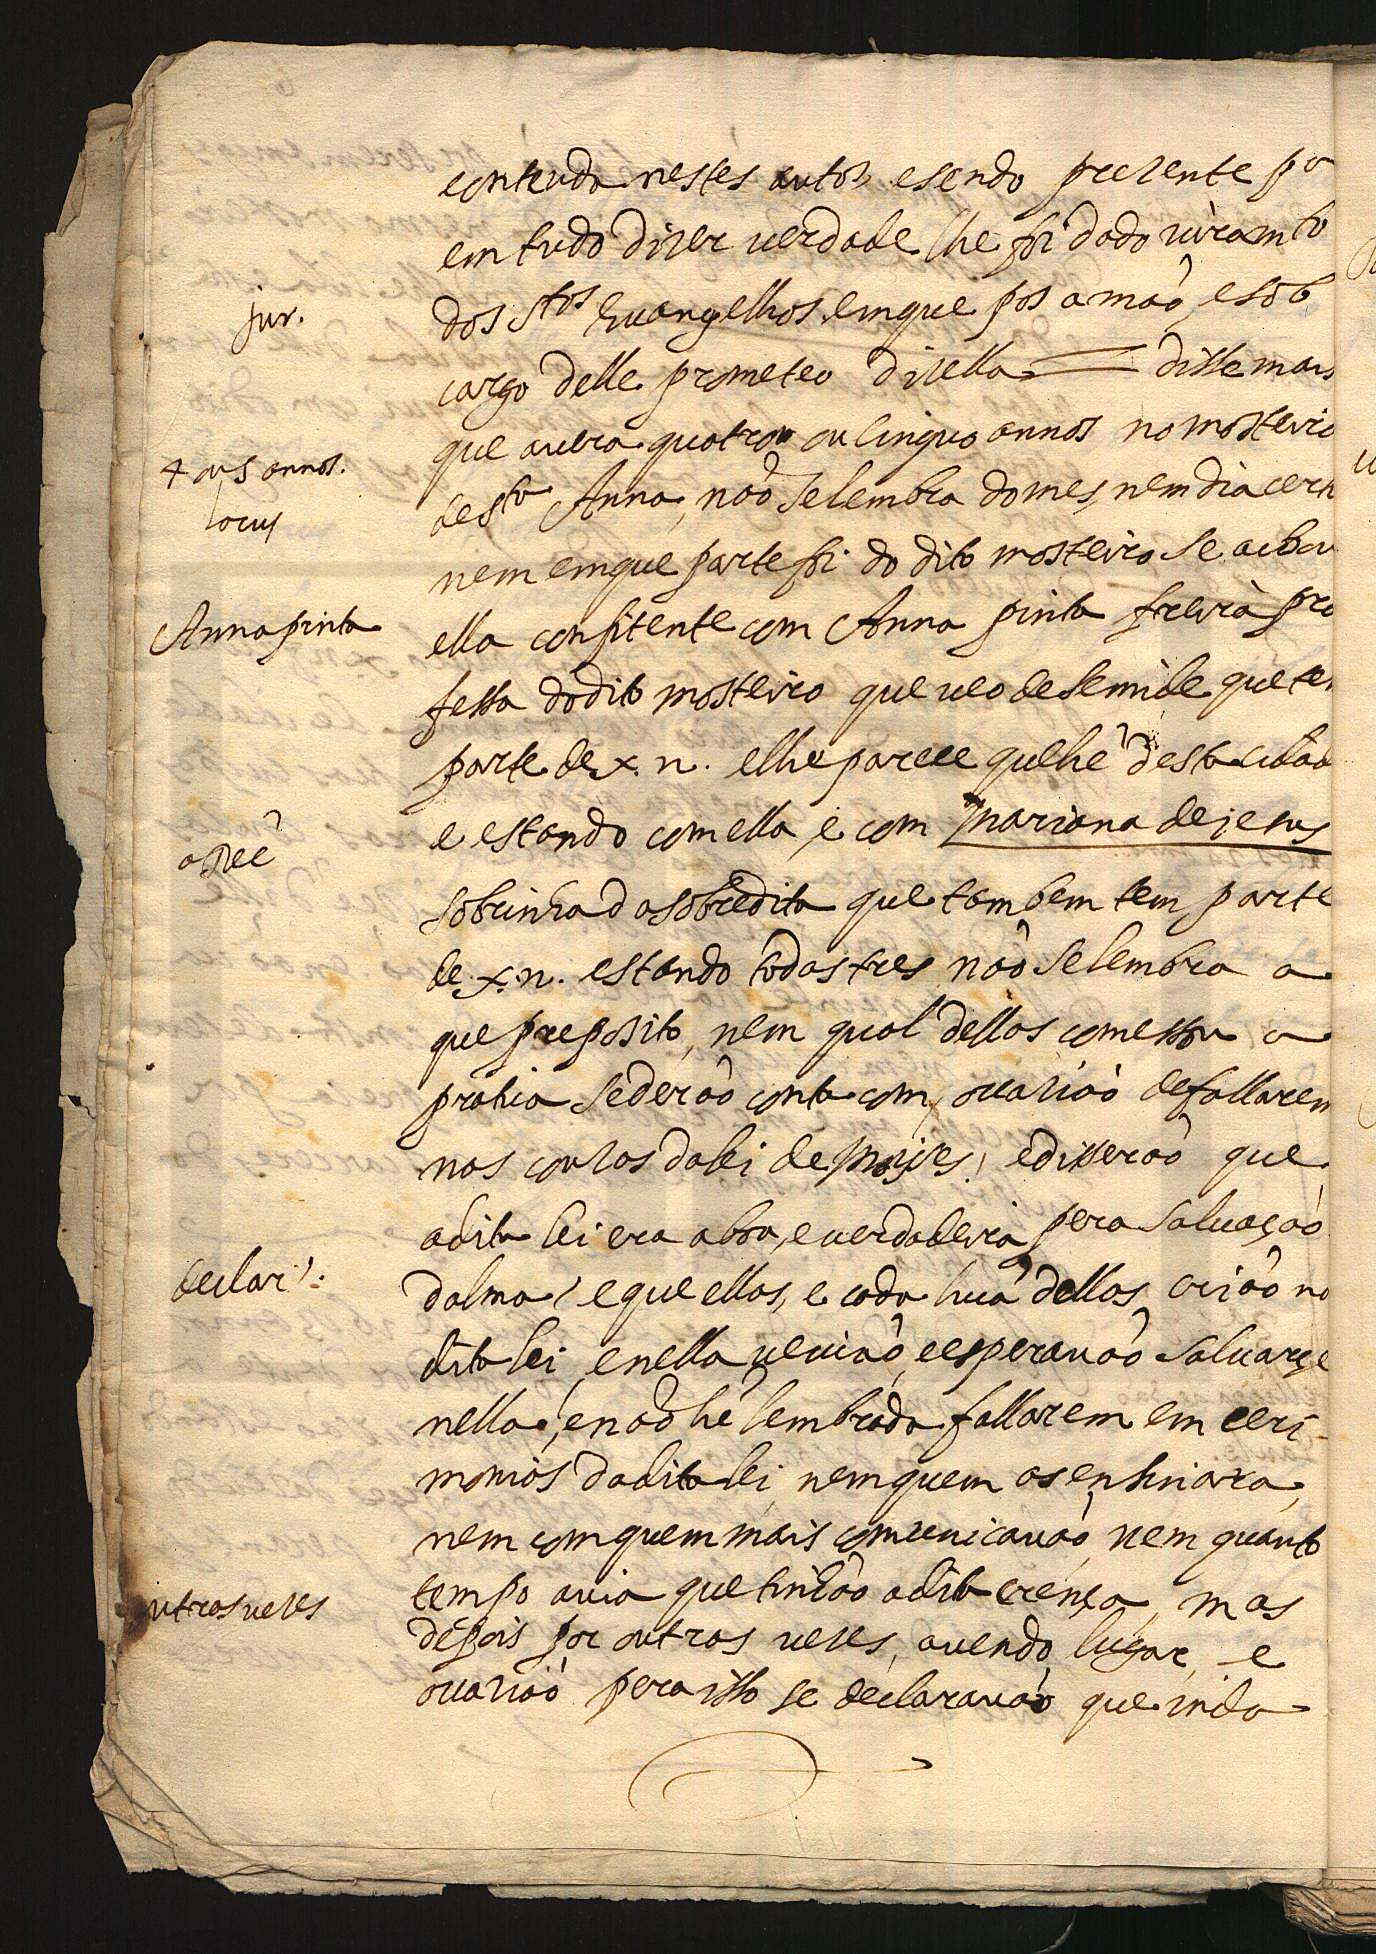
jur.
4 ou 5 annos.
Locus
Anna pinta
a Ree
declar ./.
Outras uezes
conteuda nestes autos e sendo prezente pa
em tudo dizer uerdade lhe foi dado iuramto
dos stos Euangelhos em que pos a mão, e sob
cargo delle prometeo dizella = disse mais
que auera quatro ou cinquo annos no mosteiro
de sta Anna, naõ se lembra do mes, nem dia certo
nem em que parte foi do dito mosteiro se achou
ella confitente com Anna pinta freira pro
fessa do dito mosteiro que ueo de semide que te
parte de x. n. e lhe parece que he desta cidad
e estando com ella, e com mariana de jesus
sobrinha da sobredita que tambem tem parte
de x. n. estando todas tres naõ se lembra a
que preposito, nem qual dellas comessou a
pratica se deraõ conta com occaziaõ de fallarem
nas couzas da lei de moyses, e disseraõ que
a dita lei era a boa, e uerdadeira pera saluaçaõ
dalma / e que ellas, e cada huā dellas criaõ na
dita lei e nella ueuiaõ, e esperauaõ saluarse
nella, e naõ he lembrada fallarem em ceri
monias da dita lei nem quem as ensinara,
nem com quem mais comunicauaõ, nem quanto
tempo auia que tinhão a dita crença, mas
depois por outras uezes, auendo lugar, e
occaziaõ pera isso se declarauaõ que inda
